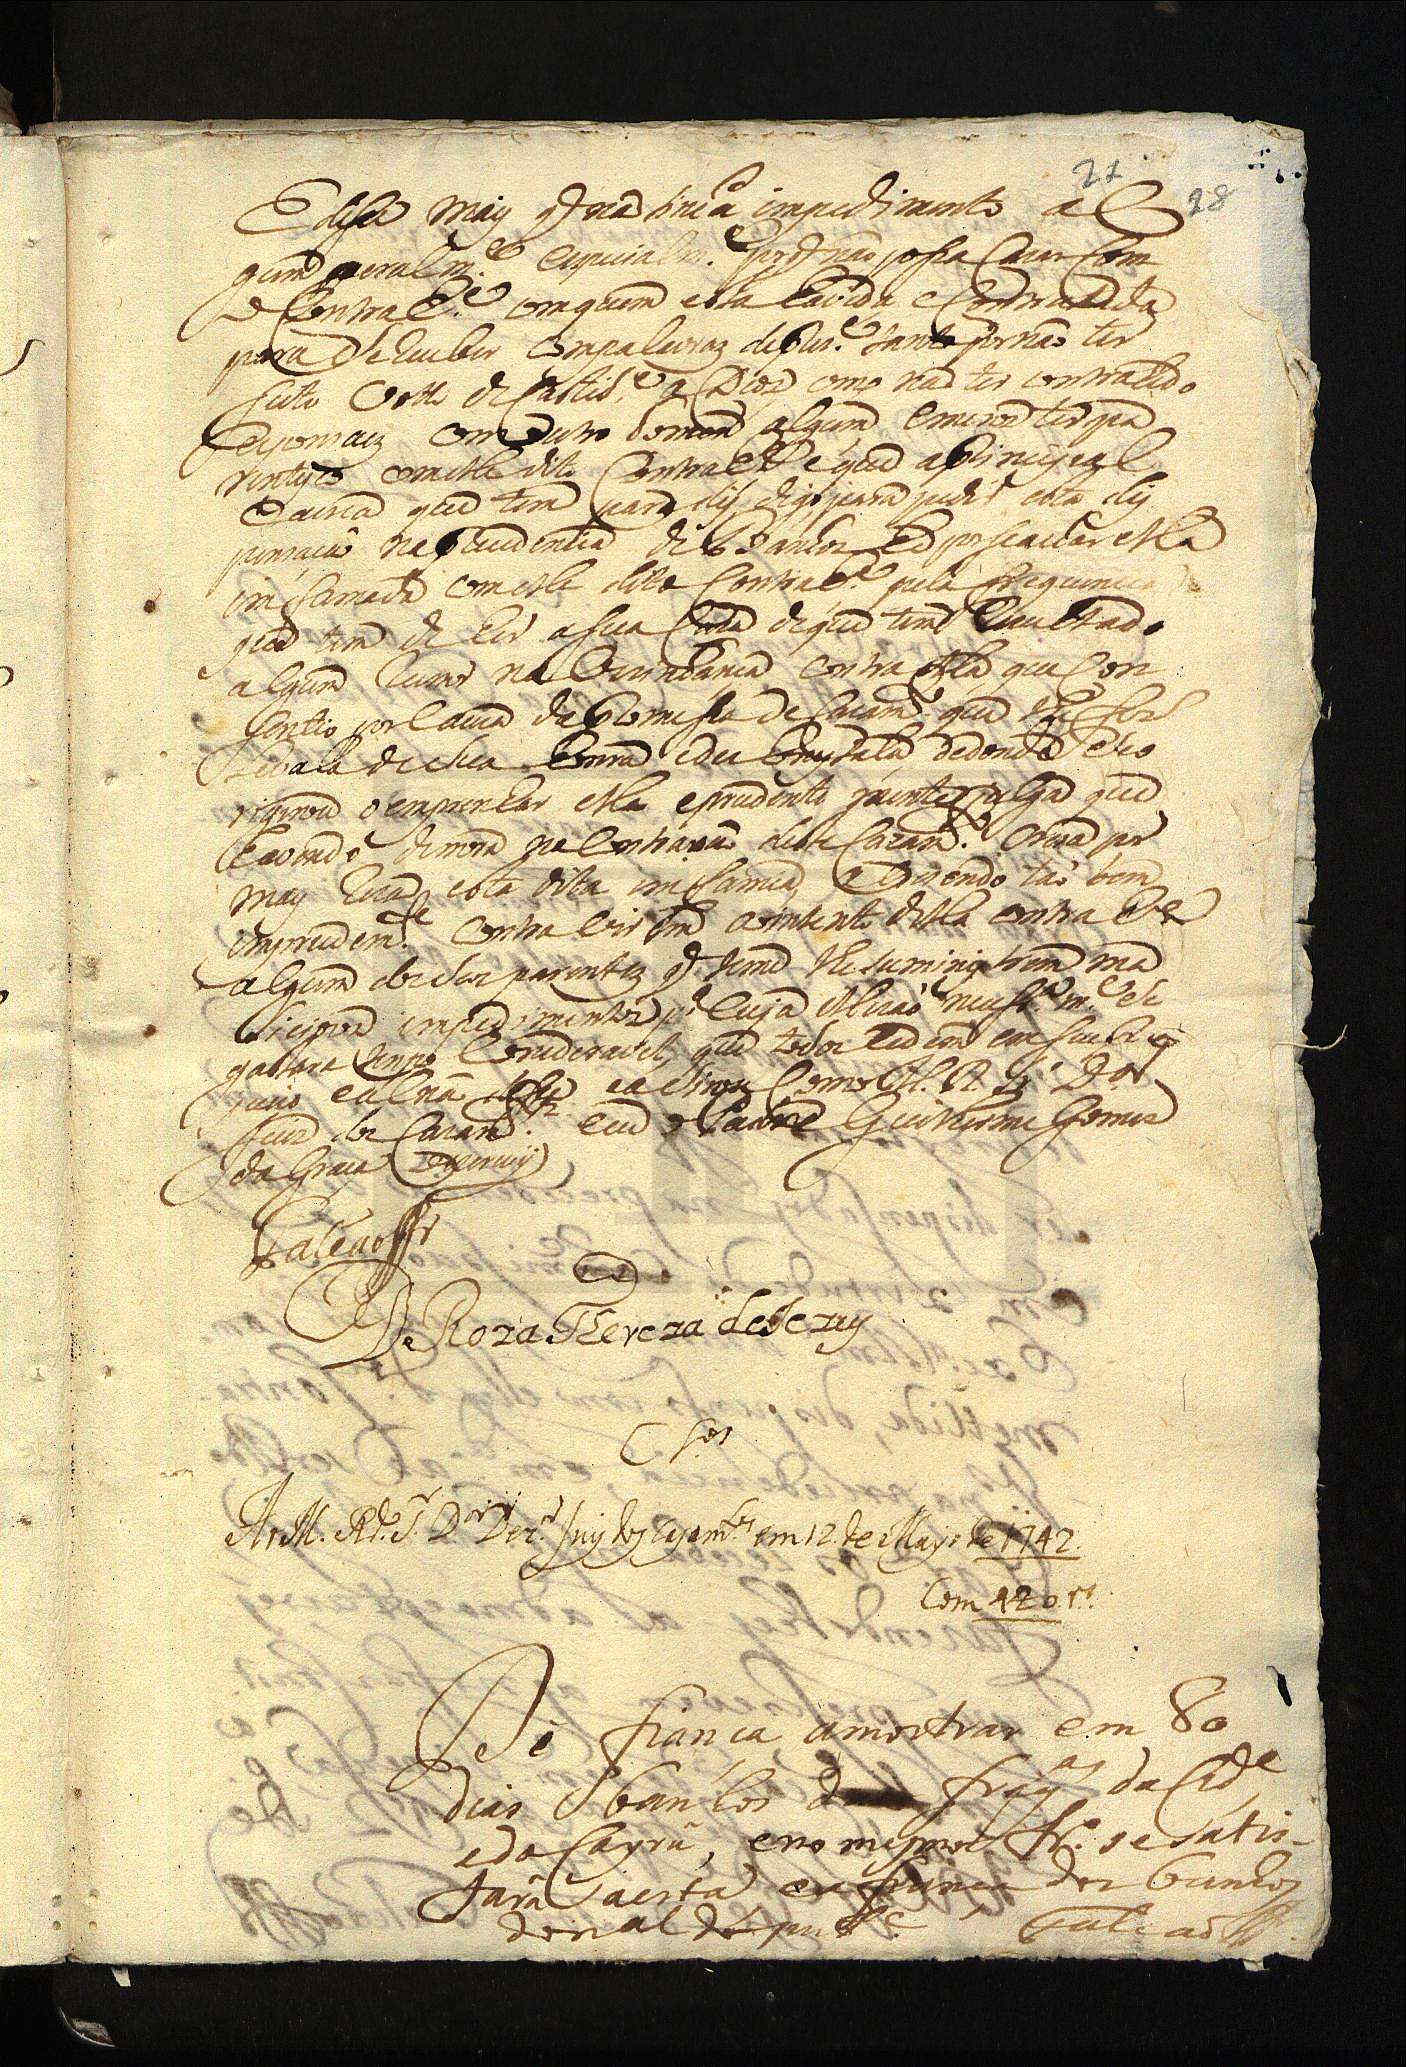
E disse mais q̄ naõ tinha impedimento al
gum geralm.e especialm.e porq̄ naõ possa Cazar Com
o Contra h.e com quem esta havida e Contratada
para se Receber com palavraz de prez.te tanto por naõ ter
feito votto de Castid.e a Deoz como naõ ter contrahido
esponsaez com outro homem algum, e menoz ter pa
rentesco com elle dito Contrahe e que a principal
causa que tem para dis digo para pedir esta dis
pensaçaõ na precedencia de Banhoz he por se achar ella
imfamada com elle dito Contrah;e pela frequencia
que tem de hir a sua Caza de que tem Rezultado
algum Rumor na Vizinhança contra ella que Con
sentio por cauza da promessa de Cazamto. que lhe fez
Levala de Sua honra e dezhonestala, de donde se o
riginou o emprenhar ella e prudentemente julga que
havendo demora na Contrasaõ deste Cazam.to overa por
mais Rezaõ esta dita imfamia, a disendo taõbem
imprudem.te contra vir e mto ao intento della contra Ele
algum dos seoz parentes q̄ teme lhe suministrem ma
liciozoz impedimentoz p.a Cuja illuzaõ necesr.am.e Se
gastara tenpo Conideravel, que todoz cedem em seu bom
juiso e al naõ disse e asinou Como M. R. sr. D.or
Juiz doz Cazam.toz e eu o Padre Guilherme Gomez
da Graça escreuy
Falcão
De Roza Thereza de Iezus
Clos
Ao M. Rd.o S.r D.or Dez.r Juis dos Casam.tos em 12 de Mayo de 1742.
Com 140rs.
Dé fiança a mostrar em 80
dias banhos
freg.a da Cide
e do Cayrũ , e no mesmo fr.o se satis
fará a esta en fiança dos banhos
do nal do _ P.e Falcaõ
